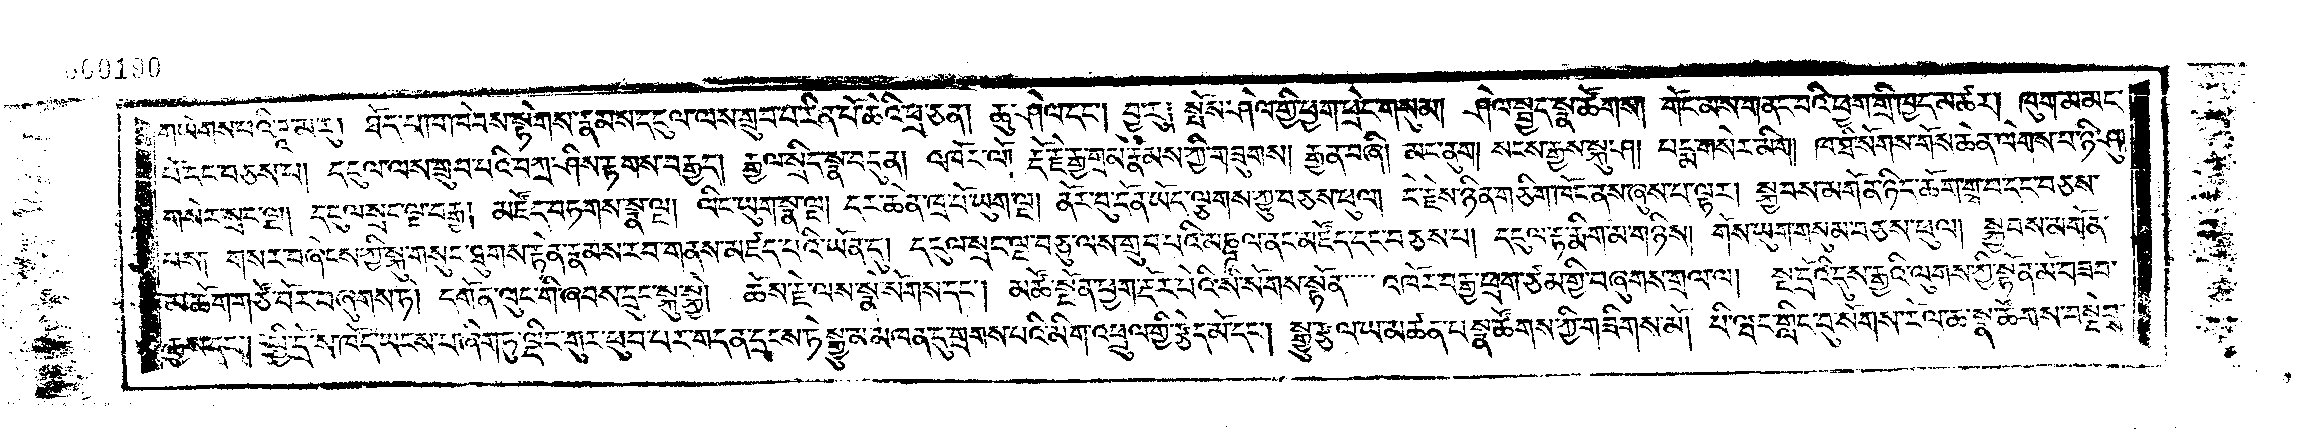གཡོགས་པའི་ཌཱ་མ་རུ། ཐོད་པ་ཁ་ཁེབས་སྟེགས་རྣམས་དངུལ་ལས་གྲུབ་པ་རིན་པོ་ཆེའི་ཕྲ་ཅན། ཆུ་ཤེལ་དང་། བྱ་རུ། སྤོས་ཤེལ་གྱི་ཕྱག་ཕྲེང་གསུམ། ཤེས་སྤྱད་སྣ་ཚོགས། གོང་མས་གནང་བའི་ཕྱག་གྲི་ཁྱད་མཚར། ཁུག་མ་མང་
པོ་དང་བཅས་པ། དངུལ་ལས་གྲུབ་པའི་བཀྲ་ཤིས་རྟགས་བརྒྱད། རྒྱལ་སྲིད་སྣ་བདུན། འཁོར་ལོ། རྡོ་རྗེ་རྒྱ་གྲམ་རྣམས་ཀྱི་གཟུགས། རྒྱན་བཞི། མང་ནུག། སངས་རྒྱས་སྐུ་ཤ། པདམ་གསེར་མིག། ཁ་ཐི་སོགས་གོས་ཆེན་ལེགས་པ་ཉི་ཤུ་
གསེར་སྲང་ལྔ། དངུལ་སྲང་ལྔ་བརྒྱ། མཛོད་བཏགས་སྣ་ལྔ། ལིང་ཡུག་སྣ་ལྔ། དར་ཆེན་ཁྲ་པོ་ཡུག་ལྔ། ནོར་བུ་དོན་ཡོང་ལྕགས་ཀྱུ་བཅས་ཕུལ། དེ་རྗེས་ཉིན་གཅིག་ཁོང་ནས་ཞུས་པ་ལྟར། སྐྱབས་མགོན་ཉིད་ཆོག་གྲྭ་བ་དང་བཅས་
པས༑ གསར་བཞེངས་ཀྱི་སྐུ་གསུང་ཐུགས་རྟེན་རྣམས་རབ་གནས་མཛད་པའི་ཡོན་དུ། དངུལ་སྲང་ལྔ་བཅུ་ལས་གྲུབ་པའི་མཎྜལ་ནང་མཛོད་དང་བཅས་པ། དངུལ་རྟ་རྨིག་མ་གཉིས། གོས་ཡུག་གསུམ་བཅས་ཕུལ། སྐྱབས་མགོན་
མཆོག་གཙོ་བོར་བཞུགས་ཏེ། དགོན་ལུང་གི་ཞབས་དྲུང་སྐུ་སྐྱེ། ཆོས་རྗེ་ལས་སྣེ་སོགས་དང་། མཚོ་སྔོན་ཕྱག་རྡོར་པེའི་སི་སོགས་སྟོན་འཁོར་བརྒྱ་ཕྲག་ཙམ་གྱི་བཞུགས་གྲལ་ལ། སྔ་དྲོའི་དུས་རྒྱའི་ལུགས་ཀྱི་སྟོན་མོ་གཟབ་
རྒྱས་དང་། ཕྱི་དྲེ་ས་ཁོད་ཡངས་པ་ཞིག་ཏུ་ལྡིང་གུར་ཕུབ་པར་གདན་དྲངས་ཏེ་སྒྱུ་མ་མཁན་དུ་གྲགས་པའི་མིག་འཕྲུལ་གྱི་རྩེད་མོ་དང་། སྒྱུ་རྩལ་ཡ་མཚན་པ་སྣ་ཚོགས་ཀྱི་གཟིགས་མོ། པི་ཝང་གླིང་བུ་སོགས་རོལ་ཆ་སྣ་ཚོགས་བསྔེབས་